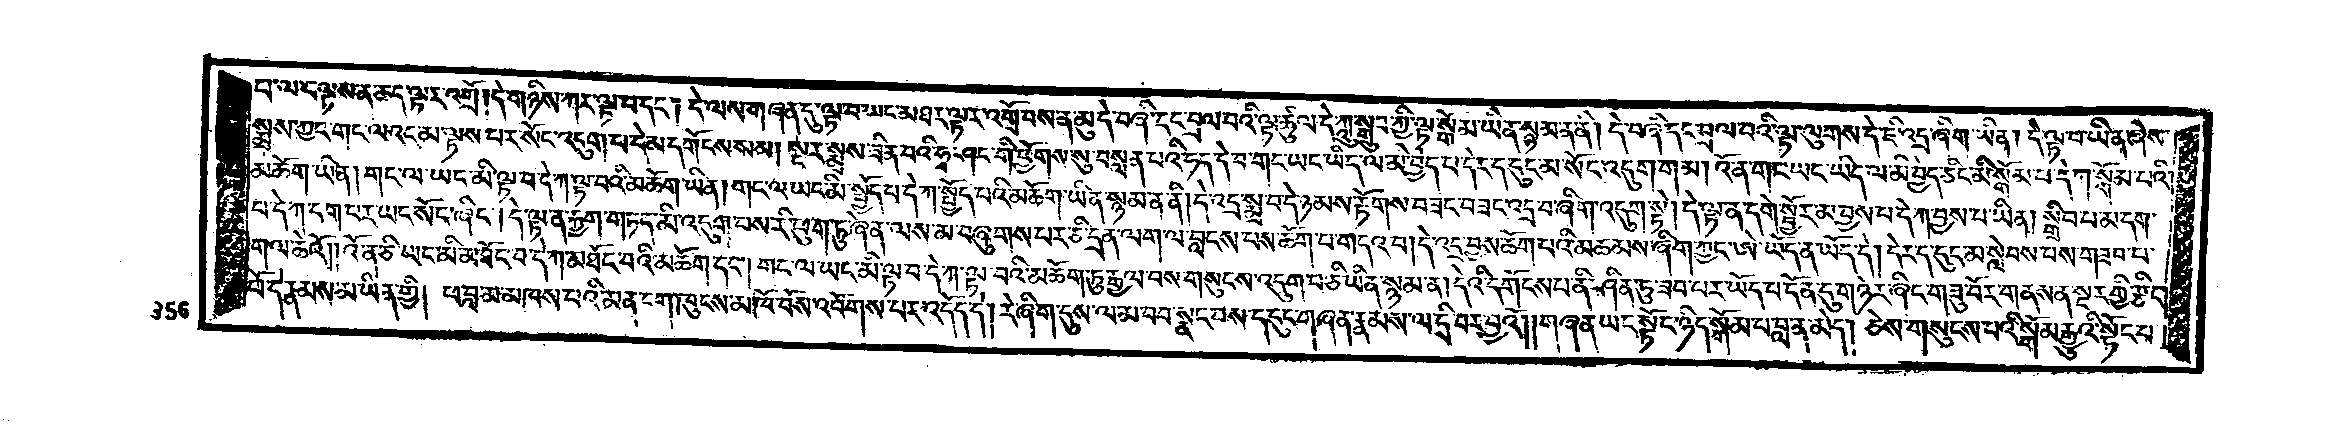པ་ལ་བལྟས་ན་ཆད་ལྟར་འགྲོ་།དེ་གཉིས་ཀར་ལྟ་བ་དང་། དེ་ལས་གཞན་དུ་ལྟ་བ་ཡང་མཐར་ལྟར་འགྲོ་བས་ན་མུ་དེ་བཞི་དང་བྲལ་བའི་ལྟ་ཚུལ་དེ་ཀླུ་སྒྲུབ་ཀྱི་ལྟ་སྒོམ་ཡིན་སྙམ་ན་ནི། དེ་བཞི་དང་བྲལ་བའི་ལྟ་ལུགས་དེ་ཇི་འདྲ་ཞིག་ཡིན། དེ་ལྟ་བ་ཡིན་ཞེས་
སྨྲས་ཀྱང་གང་ལའང་མ་ལྟས་པར་སོང་འདུག་པ་དེ་མ་དགོངས་སམ། སྔར་སྨྲས་ཟིན་པའི་ཧྭ་ཤང་གི་ཕྱོགས་སུ་བསླན་པའི་ཧད་དེ་བ་གང་ཡང་ཡིད་ལ་མི་བྱེད་པ་དེར་ད་དུང་མ་སོང་འདུག་གམ། འོ་ན་གང་ཡང་ཡིད་ལ་མི་བྱེད་ཅིང་མི་སྒོམ་པ་དེ་ཀ་སྒོམ་པའི་
མཆོག་ཡིན། གང་ལ་ཡང་མི་ལྟ་བ་དེ་ཀ་ལྟ་བའི་མཆོག་ཡིན། གང་ལ་ཡང་མི་སྤྱོད་པ་དེ་ཀ་སྤྱོད་པའི་མཆོག་ཡིན་སྙམ་ན་ནི། དེ་འདྲ་སྨྲ་བ་དེ་ཉམས་རྟོགས་བཟང་བཟང་འདྲ་བ་ཞིག་འདུག་སྟེ། དེ་ལྟ་ན་དགེ་སྦྱོར་མ་བྱས་པ་དེ་ཀ་བྱས་པ་ཡིན། སྒྲིབ་པ་མ་དག་
པ་དེ་ཀ་དག་པར་ཡང་སོང་ཞིང་། དེ་ལྟ་ན་རྐྱག་གཏད་མི་འདུག་པས་རི་ཕུག་ཏུ་ཞེན་ལས་མ་བཞུགས་པར་ཅི་དྲན་ལག་ལ་བླངས་པས་ཆོག་པ་གདའ་བ། དེ་འདྲ་བྱས་ཆོག་པའི་མཚམས་ཞིག་ཀྱང་ཨེ་ཡོད་ན་ཡོད་དེ། དེར་ད་དུང་མ་སླེབས་པས་གཟབ་པ་
གལ་ཆེའོ། །འོ་ན་ཅི་ཡང་མི་མཐོང་བ་དེ་ཀ་མཐོང་བའི་མཆོག་དང་། གང་ལ་ཡང་མི་ལྟ་བ་དེ་ཀ་ལྟ་བའི་མཆོག་ཏུ་རྒྱལ་བས་གསུངས་འདུག་པ་ཅི་ཡིན་སྙམ་ན། དེའི་དགོངས་པ་ནི་ཤིན་ཏུ་ཟབ་པར་ཡོད་པ་དོན་དུ་གཉེར་ཞིང་གཟུ་བོར་གནས་ན་སྔར་གྱི་རྩིང་
པོ་དེ་རྣམས་མ་ཡིན་གྱི། ཕ་བླ་མ་མཁས་པའི་མན་ངག་ཁུངས་མ་ཁོ་བོས་འབོགས་པར་འདོད་དེ། རེ་ཞིག་དུས་ལ་མ་བབ་སྣང་བས་ད་དུང་གཞན་རྣམས་ལ་དྲི་བར་བྱའོ། །གཞན་ཡང་སྟོང་ཉིད་སྒོམ་པ་བླ་ན་མེད། ཅེས་གསུངས་པའི་སྒོམ་རྒྱུའི་སྟོང་པ་